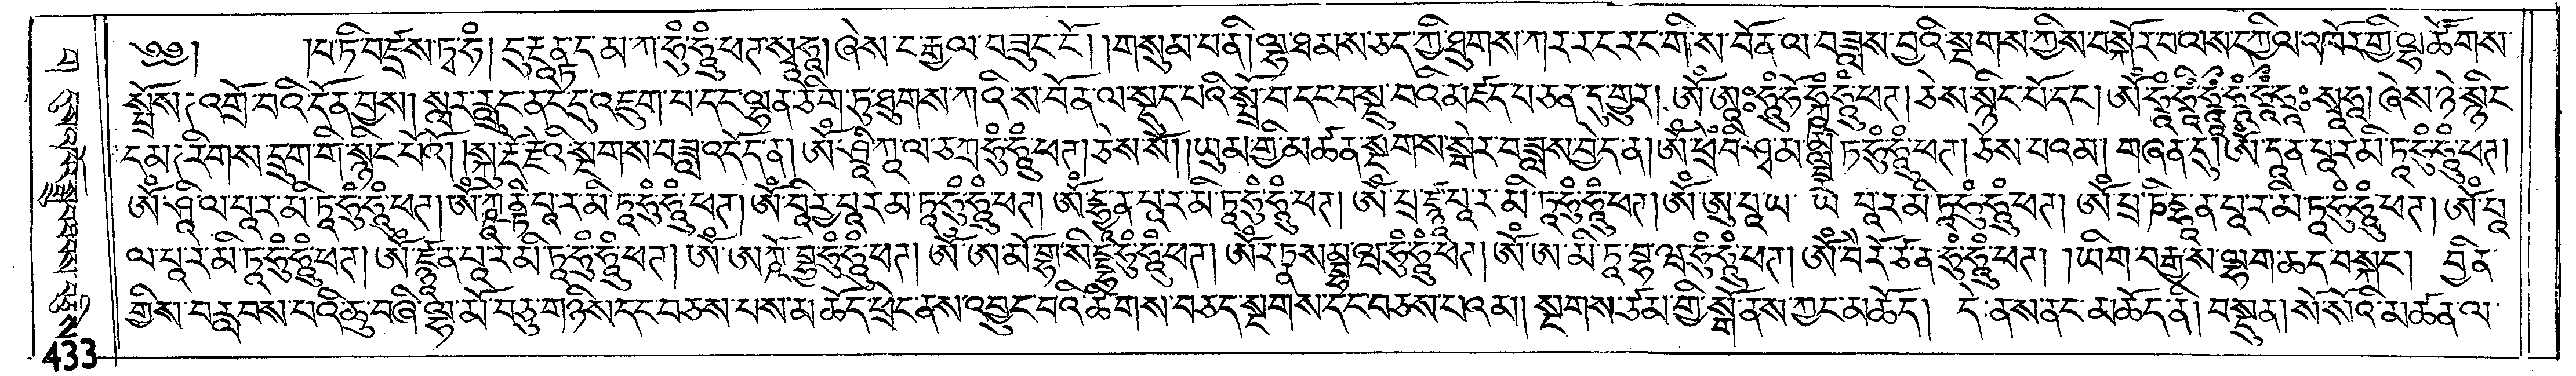༄༅། །པ་ཏི་བཛྲས་ཏྭ་ཧཾ། དུརྡཱནྟ་ད་མ་ཀ་ཧུཾ་ཧཱུཾ་ཕཊ་སྭཱཧཱ། ཞེས་ང་རྒྱལ་བཟུང་ངོ། །གསུམ་པ་ནི། ལྷ་ཐམས་ཅད་ཀྱི་ཐུགས་ཀར་རང་རང་གི་ས་བོན་ལ་བཟླས་བྱའི་སྔགས་ཀྱིས་བསྐོར་བ་ལས་དཀྱིལ་འཁོར་གྱི་ལྷ་ཚོགས་
སྤྲོས། འགྲོ་བའི་དོན་བྱས། སླར་རླུང་ནང་དུ་འཇུག་པ་དང་ལྷན་ཅིག་ཏུ་ཐུགས་ཀའི་ས་བོན་ལ་སྡུད་པའི་སྤྲོ་བ་དང་བསྡུ་བའི་མཛད་པ་ཅན་དུ་གྱུར། ཨོཾ་ཨཱཿ ཧཱུཾ་ཧོ་ཧྐྵམླྦྲྱཾ་ཧཱུཾ་ཕཊ། ཅེས་སྙིང་པོ་དང་། ཨོཾ་ཧྲཱཾ་ཧྲཱིཾ་ཧྲཱཱྀཾ་ཧྲཱཾ་ཧྲཱྀཾ་ཧྲཱཿ སྭཱཧཱ། ཞེས་ཉེ་སྙིང་
དམ། རིགས་དྲུག་གི་སྙིང་པོའོ། །སྐུ་རྡོ་རྗེའི་སྔགས་བཟླ་འདོད་ན། ཨོཾ་ཤྲཱི་ཀཱ་ལ་ཅ་ཀྲ་ཧུཾ་ཧཱུཾ་ཕཊ། ཅེས་སོ། །ཡུམ་གྱི་མཚན་སྔགས་སྒེར་བཟླས་བྱེད་ན། ཨོཾ་ཕྲེཾ་བི་ཤྭ་མ་ཏ་ཧུཾ་ཧཱུཾ་ཕཊ། ཅེས་པའམ། གཞན་དུ། ཨོཾ་དཱ་ན་པཱ་ར་མི་ཏཱ་ཧུཾ་ཧཱུཾ་ཕཊ།
ཨོཾ་ཤཱི་ལ་པཱ་ར་མི་ཏཱ་ཧུཾ་ཧཱུཾ་ཕཊ། ཨོཾ་ཀྵཱནྟི་པཱ་ར་མི་ཏཱ་ཧུཾ་ཧཱུཾ་ཕཊ། ཨོཾ་བཱིརྱ་པཱར་མ་ཏཱ་ཧུཾ་ཧཱུཾ་ཕཊ། ཨོཾ་དྷྱཱ་ན་པཱ་ར་མི་ཏཱ་ཧུཾ་ཧཱུཾ་ཕཊ། ཨོཾ་པྲ་ཛྙཱ་པཱ་ར་མི་ཏཱ་ཧུཾ་ཧཱུཾ་ཕཊ། ཨོཾ་ཨུ་པཱ་ཡ་པཱར་མི་ཏཱ་ཧུཾ་ཧཱུཾ་ཕཊ། ཨོཾ་པྲ་ཎི་དྷཱ་ན་པཱ་ར་མི་ཏཱ་ཧུཾ་ཧཱུཾ་ཕཊ། ཨོཾ་པཱ་
ལ་པཱ་ར་མི་ཏཱ་ཧུཾ་ཧཱུཾ་ཕཊ། ཨོཾ་ཛྙཱ་ན་པཱ་ར་མི་ཏཱ་ཧུཾ་ཧཱུཾ་ཕཊ། ཨོཾ་ཨཀྵོ་བྷྱ་ཧུཾ་ཧཱུཾ་ཕཊ། ཨོཾ་ཨ་མོ་གྷ་སིདྡྷ་ཧུཾ་ཧཱུཾ་ཕཊ། ཨོཾ་རཏྣ་སམྦྷ་ཝ་ཧུཾ་ཧཱུཾ་ཕཊ། ཨོཾ་ཨ་མི་ཏཱ་བྷ་ཝ་ཧུཾ་ཧཱུཾ་ཕཊ། ཨོཾ་བཻ་རོ་ཙ་ན་ཧུཾ་ཧཱུཾ་ཕཊ། །ཡིག་བརྒྱ་ས་ལྷག་ཆད་བསྐང་། བྱིན་
གྱིས་བརླབས་པའི་ཆུ་བཞི་ལྷ་མོ་བཅུ་གཉིས་དང་བཅས་པས་མཆོད་ཕྲེང་ནས་འབྱུང་བའི་ཚིགས་བཅད་སྔགས་དང་བཅས་པའམ། སྔགས་ཙམ་གྱི་སྒོ་ནས་ཀྱང་མཆོད། དེ་ནས་ནང་མཆོད་ནི། བསྡུན། སོ་སོའི་མཚན་ལ་